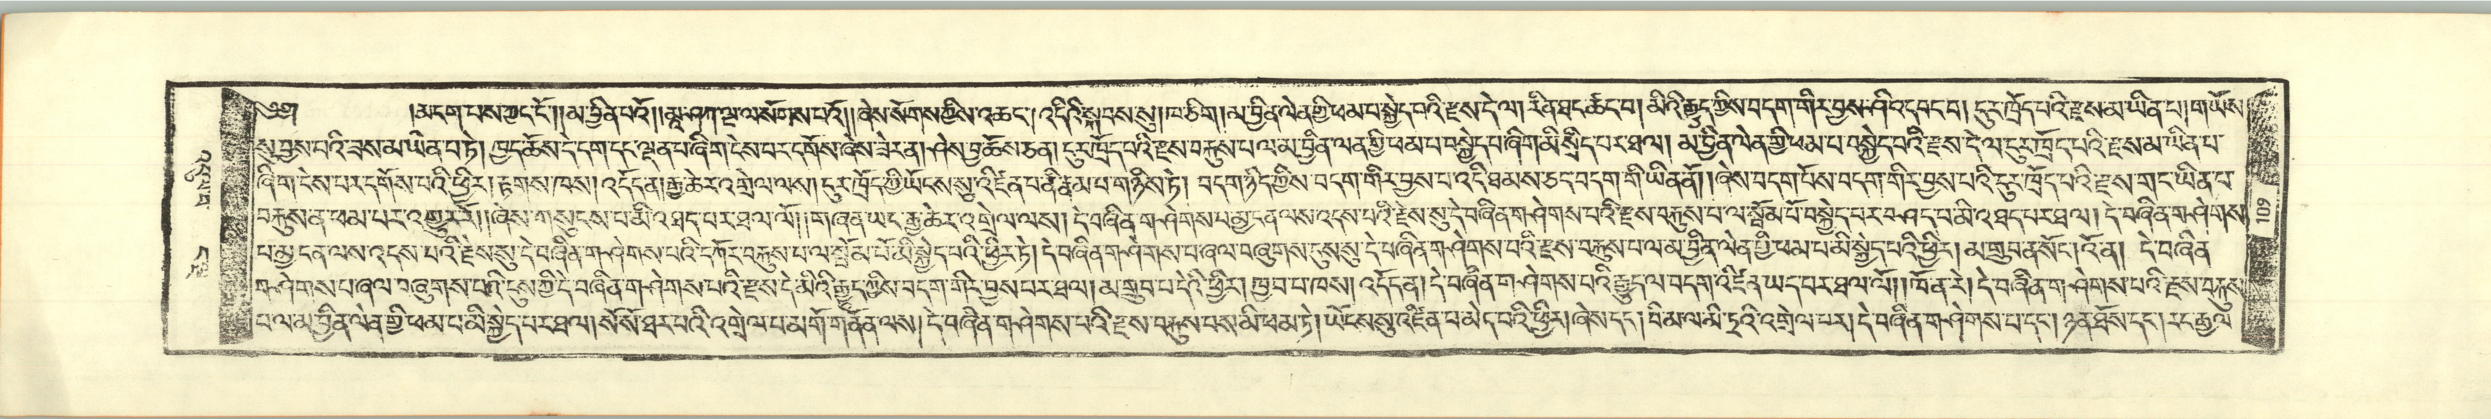༄༅། །མདག་པས་ཀྱང་ངོ། །མ་བྱིན་པའོ། །མཱ་ཤཀ་ལྔ་ལ་སོགས་པའོ། །ཞེས་སོགས་ཀྱིས་འཆང་། འདིའི་སྐབས་སུ། ཁ་ཅིག །མ་བྱིན་ལེན་གྱི་ཕམ་པ་སྐྱེད་པའི་རྫས་དེ་ལ། རིན་ཐང་ཚང་བ། མིའི་རྒྱུད་ཀྱིས་བདག་གིར་བྱས་ཤའི་དབང་བ། དུར་ཁྲོད་པའི་རྫས་མ་ཡིན་པ། གཡོས་
སུ་བྱས་པའི་ཟས་མ་ཡིན་པ་ཏེ། ཁྱད་ཆོས་དེ་དག་དང་ལྡན་པ་ཞིག་ངེས་པར་དགོས་ཞེས་ཟེར་ན། ཤེས་བྱ་ཆོས་ཅན། དུར་ཁྲོད་པའི་རྫས་བརྐུས་པ་ལ་མ་བྱིན་ལན་གྱི་ཕམ་པ་བསྐྱེད་པ་ཞིག་མི་སྲིད་པར་ཐལ། མ་བྱིན་ལེན་གྱི་ཕམ་པ་བསྐྱེད་པའི་རྫས་དེ་ལ་ངུར་ཁྲོད་པའི་རྫས་མ་ཡིན་པ་
ཞིག་ངེས་པར་དགོས་པའི་ཕྱིར། རྟགས་ཁས། འདོད་ན། རྒྱ་ཆེར་འགྲེལ་ལས། དུར་ཁྲོད་ཀྱི་ཡོངས་སུ་འཛིན་པ་ནི་རྣམ་པ་གཉིས་ཏེ། བདག་ཉིད་ཀྱིས་བདག་གིར་བྱས་པ་འདི་ཐམས་ཅད་བདག་གི་ཡིན་ནོ། །ཞེས་བདག་པོས་བདག་གིར་བྱས་པའི་དུར་ཁྲོད་པའི་རྫས་གང་ཡིན་པ་
བརྐུས་ན་ཕམ་པར་འགྱུར་རོ། །ཞེས་གསུགནས་པ་མི་འཐད་པར་ཐལ་ལོ། །གཞན་ཡང་རྒྱ་ཆེར་འགྲེལ་ལས། དེ་བཞིན་གཤེགས་པ་མྱ་ངན་ལས་འདས་པའི་རྗེས་སུ་དེ་བཞིན་གཤེགས་པའི་རྫས་བརྐུས་པ་ལ་སྦོམ་པོ་བསྐྱེད་པར་བཤད་པ་མི་འཐད་པར་ཐལ། དེ་བཞིན་གཤེགས་
པ་མྱ་ངན་ལས་འདས་པའི་རྗེས་སུ་དེ་བཞིན་གཤེགས་པའི་དཀོར་བརྐུས་པ་ལ་སྦོམ་པོ་མི་སྐྱེད་པའི་ཕྱིར་ཏེ། དེ་བཞིན་གཤེགས་པ་ཞལ་བཞུགས་དུས་སུ་དེ་བཞིན་གཤེགས་པའི་རྫས་བརྐུས་པ་ལ་མ་བྱིན་ལེན་གྱི་ཕམ་པ་མི་སྐྱེད་པའི་ཕྱིར། མ་གྲུབ་ན་སོང་། འོ་ན། དེ་བཞིན་
གཤེགས་པ་ཞལ་བཞུགས་པའི་དུས་ཀྱི་དེ་བཞིན་གཤེགས་པའི་རྫས་དེ་མིའི་རྒྱུད་ཀྱིས་བདག་གིར་བྱས་པར་ཐལ། མ་གྲུབ་པ་དེའི་ཕྱིར། ཁྱབ་པ་ཁས། འདོད་ན། དེ་བཞིན་གཤེགས་པའི་རྒྱུད་ལ་བདག་འཛིན་ཡོད་པར་ཐལ་ལོ། །ཁོ་ན་རེ། དེ་བཞིན་གཤེགས་པའི་རྫས་བརྐུས་
བ་ལ་མ་བྱིན་ལེན་གྱི་ཕམ་པ་མི་སྐྱེད་པར་ཐལ། སོ་སོ་ཐར་པའི་འགྲེལ་བ་མགོ་གནོན་ལས། དེ་བཞིན་གཤེགས་པའི་རྫས་བརྐུས་པས་མི་ཕམ་ཏེ། ཡོངས་སུ་འཛིན་པ་མེད་པའི་ཕྱིར། ཞེས་དང་། བི་མ་ལ་མི་ཏྲའི་འགྲེལ་པར། དེ་བཞིན་གཤེགས་པ་དང་། ཉན་ཐོས་དང་། རང་རྒྱལ་